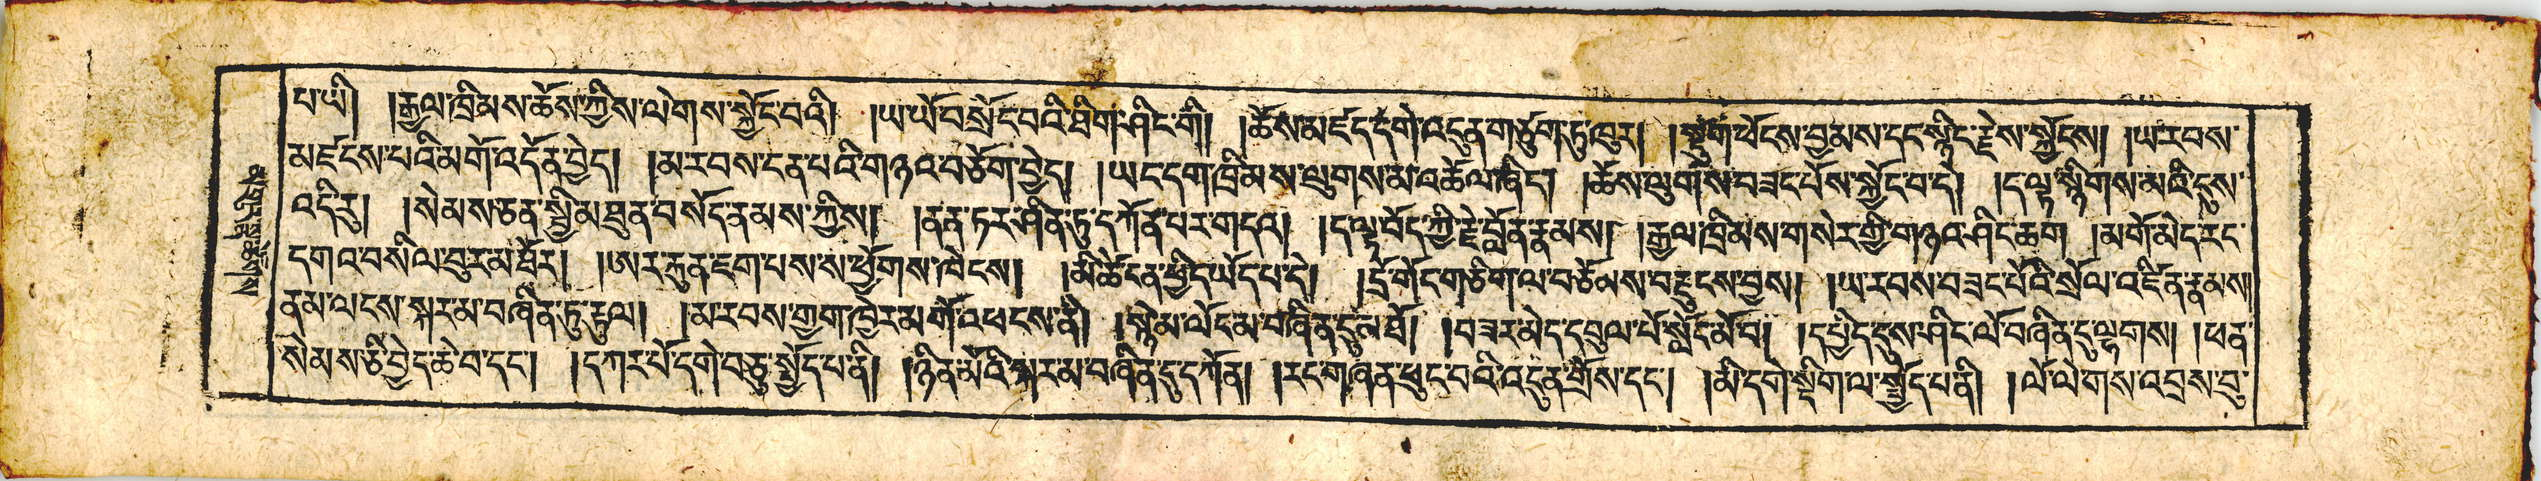པ་ཡི། །རྒྱལ་ཁྲིམས་ཆོས་ཀྱིས་ལེགས་སྐྱོང་བའི། །ཡ་ཡོ་བསྲོང་བའི་ཐིག་ཤིང་གི། །ཆོས་མཛད་དགེ་འདུན་གཙུག་ཏུ་ཁུར། །སྡུག་ཕོངས་བྱམས་དང་སྙིང་རྗེས་སྐྱོངས། །ཡ་རབས་
མཛངས་པའི་མགོ་འདོན་བྱེད། །མ་རབས་ངན་པའི་གཉའ་བཅོག་བྱེད། །ཡང་དག་ཁྲིམས་ལུགས་མ་འཆོལ་ཞིང་། །ཆོས་ལུགས་བཟང་པོས་སྐྱོང་བ་དེ། །ད་ལྟ་སྙིགས་མའི་དུས་
འདི་རུ། །སེམས་ཅན་སྦྱི་མཐུན་བསོད་ནམས་ཀྱིས། །ནན་ཏར་ཤིན་ཏུ་དཀོན་པར་གདའ། །ད་ལྟ་བོད་ཀྱི་རྗེ་བློན་རྣམས། །རྒྱལ་ཁྲིམས་གསེར་གྱི་གཉའ་ཤིང་ཆག །མགོ་མེད་རང་
དགའ་བསིལ་བུར་མཐོར། །ཨར་རྐུན་ཇག་པས་ས་ཕྱོགས་ཁེངས། །མི་ཚེ་ངན་ཕྱད་ཡོད་པ་དེ། །དྲོ་གོང་གཅིག་ལ་བཅོམས་བརྡུངས་བྱས། །ཡ་རབས་བཟང་པོའི་སྲོལ་འཛིན་རྣམས། །
ནམ་ལངས་སྐར་མ་བཞིན་ཏུ་རྟུལ། མ་རབས་གྱག་ཁྱེར་མགོ་འཕངས་ནི། །སྙེ་མ་ལོང་མ་བཞིན་དུ་མཐོ། །བཟར་མེད་དབུལ་པོ་སློང་མོ་བ། །དཔྱིད་དུས་ཤིང་ལོ་བཞིན་དུ་ལྷགས། །ཕན་
སེམས་ཅི་བྱེད་ཆེ་བ་དང་། །དཀར་པོ་དགེ་བཅུ་སྤྱོད་པ་ནི། །ཉིན་མོའི་སྐར་མ་བཞིན་དུ་དཀོན། །རང་གཞན་ཕུང་བའི་འདུན་གྲོས་དང་། །མི་དགེ་སྡིག་ལ་སྤྱོད་པ་ནི། །ལོ་ལེགས་འབྲས་བུ་